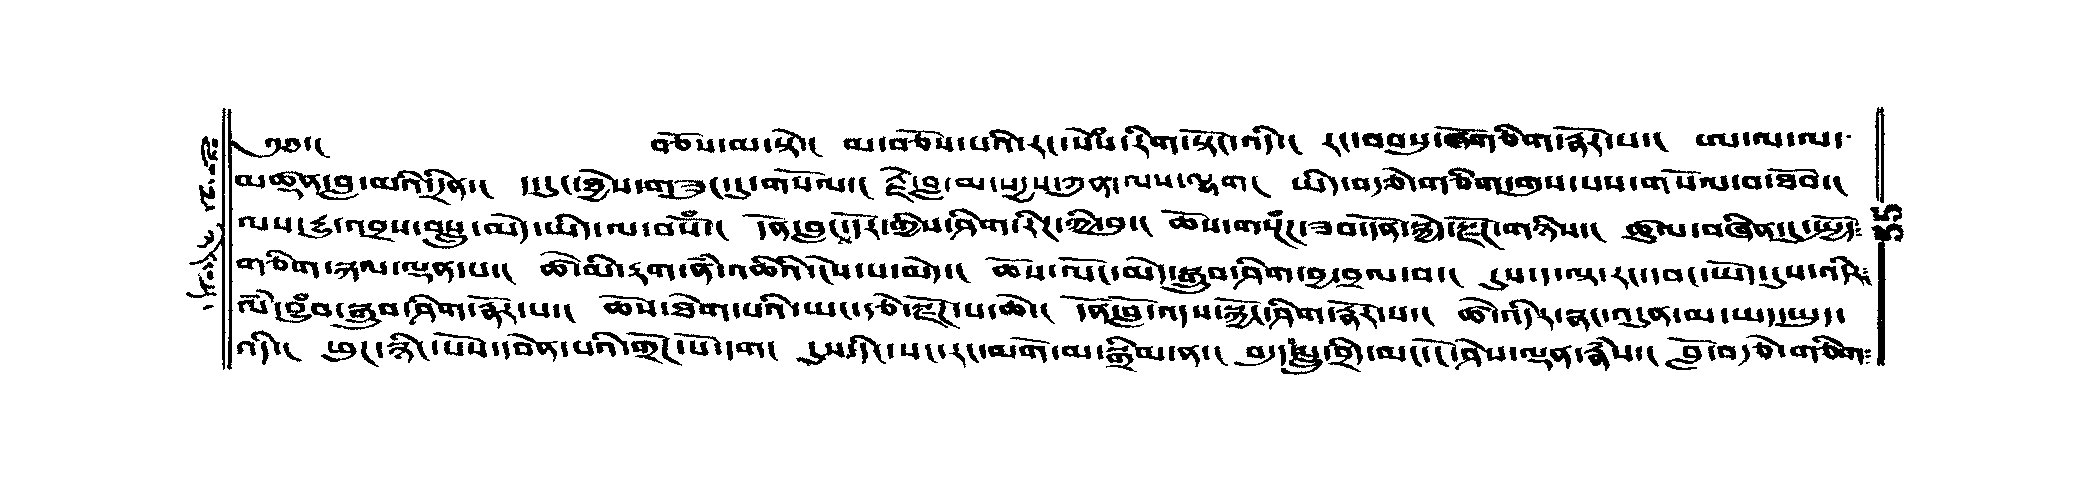བཅོས་མ་སྟེ། །མ་བཅོས་པའི་རང་སེམས་རིག་སྟོང་འདི། །རང་བབས་སུ་ཞོག་ཅིག་རྣལ་འབྱོར་པ། །ཨ་ལ་ལ་
མཚན་ལྡན་བླ་མའི་དྲིན། །ད་དུང་ཐུགས་རྗེས་བཟུང་དུ་གསོལ། །རྗེ་བླ་མ་སངས་རྒྱས་ཀུན་ལས་ལྷག །ཡིད་རྩེ་གཅིག་གུས་པས་གསོལ་བ་ཐོབ། །
ལས་རྒྱུ་འབྲས་སླུ་མེད་ཡིད་ལ་སོམས། །དོན་བླང་དོར་གྱིས་ཤིག་རིགས་ཀྱི་བུ། །ཆོས་གསང་སྔགས་ཟབ་དོན་བསྐྱེད་རྫོགས་གཉིས། །ཚུལ་བཞིན་དུ་སྤྱོད་
ཅིག་སྐལ་ལྡན་པ། །ཚེ་མི་རྟག་ནམ་འཆིའི་ངེས་པ་མེད། །ཆོས་ལོང་མེད་བསྒྲུབ་ཤིག་བྱ་བྲལ་བ། །དུས་ད་ལྟ་རང་དབང་ཡོད་དུས་འདིར། །
ལམ་བྱང་ཆུབ་བསྒྲུབ་ཤིག་རྣལ་འབྱོར་པ། །ཆོས་ཐེག་པའི་ཡང་རྩེ་རྫོགས་པ་ཆེ། །དོན་བློ་འདས་སྐྱོངས་ཤིག་རྣལ་འབྱོར་པ། །ཚེ་འདིར་སྣང་འདུན་མ་ཡད་ཡུད་
འདི། །ཕུགས་སྙིང་པོས་དབེན་པའི་གྲོགས་པོ་དག །དུས་དིང་སང་རང་མགོ་མ་སྒྲིམ་ན། །བདུད་བསླུ་བྲིད་མང་ངོ་ཤེས་ལྡན་རྣམས། །བློ་རྩེ་གཅིག་